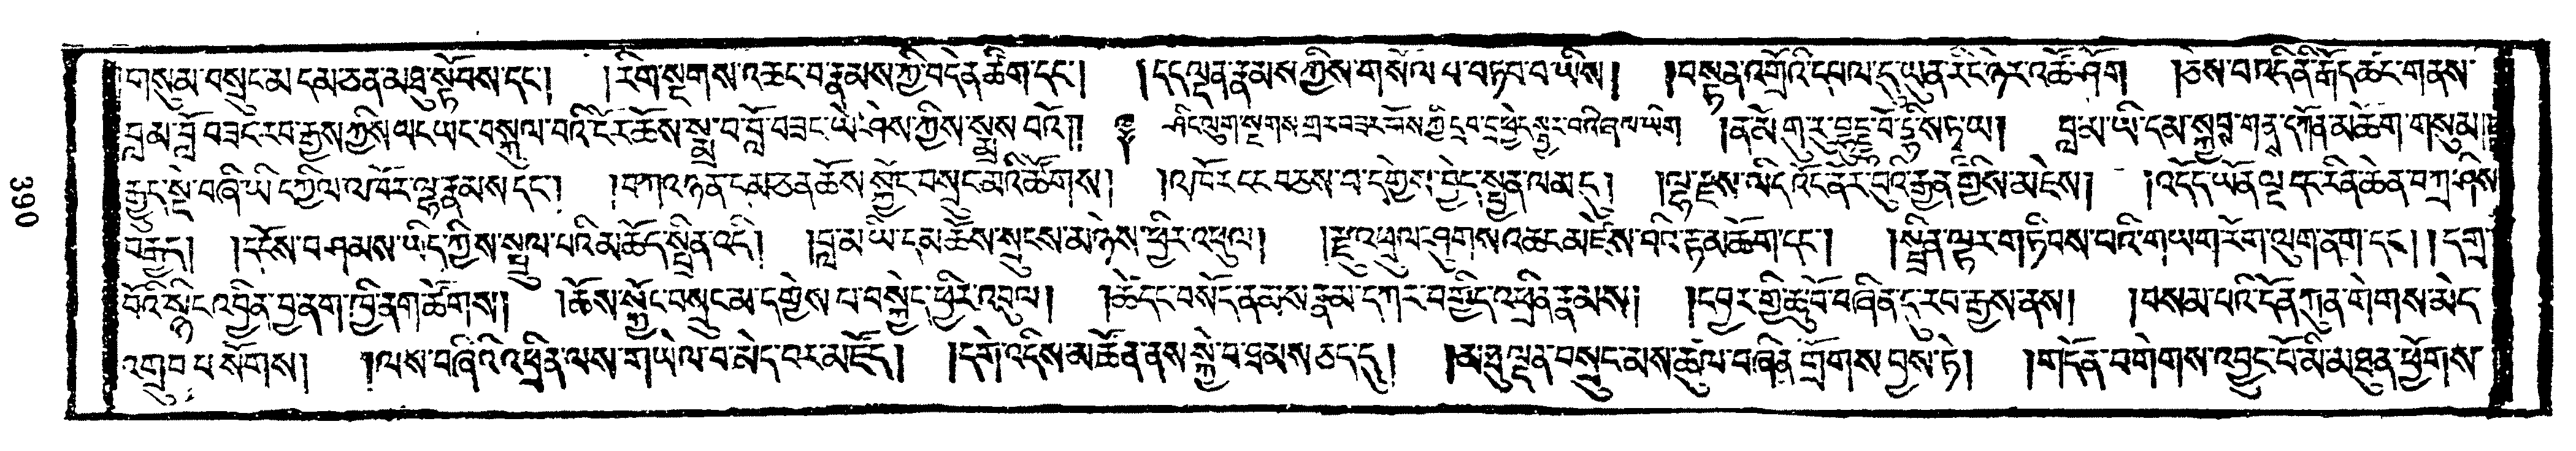གསུམ་བསྲུང་མ་དམ་ཅན་མཐུ་སྟོབས་དང་། །རིག་སྔགས་འཆང་བ་རྣམས་ཀྱི་བདེན་ཚིག་དང་། །དད་ལྡན་རྣམས་ཀྱིས་གསོལ་བ་བཏབ་བ་ཡིས། །བསྟན་འགྲོའི་དཔལ་དུ་ཡུན་རིང་ཉེར་འཚོ་ཤོག། །ཅེས་བ་འདི་ནི་རྒོད་ཚང་གནས་
བླ་མ་བློ་བཟང་རབ་རྒྱས་ཀྱིས་ཡང་ཡང་བསྐུལ་བའི་ངོར་ཆོས་སྨྲ་བ་བློ་བཟང་ཡེ་ཤེས་ཀྱིས་སྨྲས་བའོ།། ༈ ཤིང་ལུག་སྔགས་གྲར་བཟང་གོས་ཀྱི་དྲ་བ་དྲ་ཕྱེད་སྦྱར་བའི་ཞལ་ཡིག་།ན་མོ་གུ་རུ་བྷུདྡྷ་བོ་དྷི་སཏྭཱ་ཡ། བླ་མ་ཡི་དམ་སྐྱབས་གནས་དཀོན་མཆོག་གསུམ། །
རྒྱུད་སྡེ་བཞི་ཡི་དཀྱིལ་འཁོར་ལྷ་རྣམས་དང་། །བཀའ་ཉན་དམ་ཅན་ཆོས་སྐྱོང་བསྲུང་མའི་ཚོགས། །འཁོར་ངང་བཅས་བ་དགྱེས་བྱེད་སྤྱན་ལམ་དུ། །ལྷ་རྫས་ལིད་འོང་ནོར་བུའི་རྒྱན་གྱིས་མཛེས། །འདོད་ཡོན་ལྔ་དང་རིན་ཆེན་བཀྲ་ཤིས་
བརྒྱད། །དངོས་བཤམས་ཡིད་ཀྱིས་སྤྲུལ་པའི་མཆོད་སྤྲིན་འདི། །བླ་མ་ཡི་དམ་ཆོས་སྲུངས་མཉེས་ཕྱིར་འཕུལ། །རྫུ་འཕྲུལ་ཤུགས་འཆང་མཛེས་བའི་རྟ་མཆོག་དང་། །སྤྲིན་ལྟར་གཏིབས་པའི་གཡག་རོག་ལུག་ནག་དང་། །དགྲ་
བོའི་སྙིང་འབྱིན་བྱ་ནག་ཁྱི་ནག་ཚོགས། །ཆོས་སྐྱོང་བསྲུང་མ་དགྱེས་པ་བསྐྱེད་ཕྱིར་འབུལ། །ཚེ་དང་བསོད་ནམས་རྣམ་དཀར་བགྱིད་འཕྲིན་རྣམས། །དབྱར་གྱི་ཆུ་བོ་བཞིན་དུ་རབ་རྒྱས་ནས། །བསམ་པའི་དོན་ཀུན་གེགས་མེད་
འགྲུབ་པ་སོགས། །ལས་བཞིའི་འཕྲིན་ལས་གཡེལ་བ་མེད་བར་མཛོད། །དགེ་འདིས་མཚོན་ནས་སྐྱེ་བ་ཐམས་ཅད་དུ། །མཐུ་ལྡན་བསྲུང་མས་ཚུལ་བཞིན་གྲོགས་བྱས་ཏེ། །གདོན་བགེགས་འབྱུང་པོ་མི་མཐུན་ཕྱོགས་